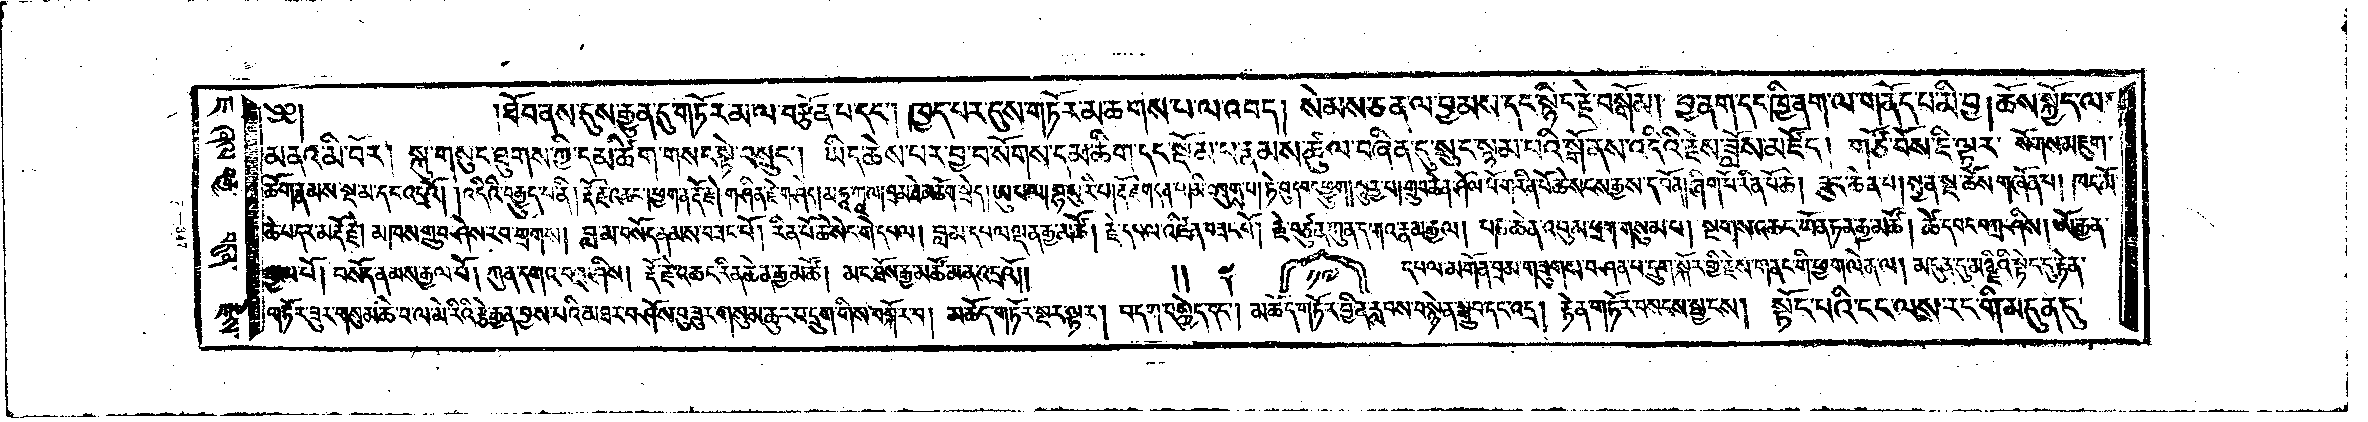༄༅། །ཐོབ་ནས་དུས་རྒྱུན་དུ་གཏོར་མ་ལ་བརྩོན་པ་དང་། ཁྱད་པར་དུས་གཏོར་མ་ཆགས་པ་ལ་འབད། སེམས་ཅན་ལ་བྱམས་དང་སྙིང་རྗེ་བསྒོམ། བྱ་ནག་དང་ཁྱི་ནག་ལ་གནོད་པ་མི་བྱ། ཆོས་སྐྱོང་ལ་
མནའ་མི་བོར། སྐུ་གསུང་ཐུགས་ཀྱི་དམ་ཚིག་གསང་སྟེ་བསྲུང་། ཡིད་ཆེས་པར་བྱ་བ་སོགས་དམ་ཚིག་དང་སྡོམ་པ་རྣམས་ཚུལ་བཞིན་དུ་སྲུང་སྙམ་པའི་སྒོ་ནས་འདིའི་རྗེས་ཟློས་མཛོད། གཙོ་བོས་ཇི་ལྟར། སོགས་མཇུག་
ཆོག་རྣམས་སྔ་མ་དང་འདྲའོ། །འདིའི་བརྒྱུད་པ་ནི། རྡོ་རྗེ་འཆང་། ཕྱག་ན་རྡོ་རྗེ། གཤིན་རྗེ་གཤེད། མཧཱ་ཀཱ་ལ། བྲམ་ཟེ་མཆོག་སྲེད། ཨུ་པ་ལ། བྷ་སུ་རི་པ། རྡོ་རྗེ་གདན་པ། མི་འཁྲུགས་པ། ཏེ་བུ་དབང་ཕྱུག །སཱུརྱ་བ། གྲུབ་ཆེན་ཤོལ་བོ་བ། རིན་པོ་ཆེ་སངས་རྒྱས་དཔོན། ཞིག་པོ་རིན་པོ་ཆེ། ཟུར་ཆེན་པ། སྤྱན་སྔ་ཆོས་གཞོན་པ། ཁང་མོ་
ཆེ་པ་དར་མ་རྡོ་རྗེ། མཁས་གྲུབ་ཤེས་རབ་གྲགས། བླ་མ་བསོད་ནམས་བཟང་པོ། རིན་པོ་ཆེ་སེང་གེ་དཔལ། བླ་མ་དཔལ་ལྡན་རྒྱ་མཚོ། རྗེ་དཔལ་འཛིན་བཟང་པོ། རྗེ་བཙུན་ཀུན་དགའ་རྣམ་རྒྱལ། པཎ་ཆེན་འབུམ་ཕྲག་གསུམ་པ། སྔགས་འཆང་ཡོན་ཏན་རྒྱ་མཚོ། ཚེ་དབང་བཀྲ་ཤིས། ཨོ་རྒྱན་
རྒྱལ་པོ། བསོད་ནམས་རྒྱལ་པོ། ཀུན་དགའ་བཀྲ་ཤིས། རྡོ་རྗེ་འཆང་རིན་ཆེན་རྒྱ་མཚོ། མང་ཐོས་རྒྱ་མཚོ་མན་འདྲའོ།། །། ༈ ༼༽༡༧༼༽ དཔལ་མགོན་བྲམ་གཟུགས་བཤན་པ་དྲུག་སྐོར་གྱི་རྗེས་གནང་གི་ཕྱག་ལེན་ལ། མདུན་དུ་མཉྫིའི་སྟེང་དུ་རྟེན་
གཏོར་ཟུར་གསུམ་ཆེ་བ་ལ་མེ་རིའི་རྩེ་རྒྱན་བྱས་པའི་མཐར་བཤོས་བུ་ཟུར་གསུམ་ཆུང་བརླུག་གིས་བསྐོར་བ། མཆོད་གཏོར་སྔར་ལྟར། བདག་བསྐྱེད་དང་། མཆོད་གཏོར་བྱིན་རླབས་བསྙེན་སྒྲུབ་དང་འདྲ། རྟེན་གཏོར་བསངས་སྦྱངས། སྟོང་པའི་ངང་ལས་རང་གི་མདུན་དུ་